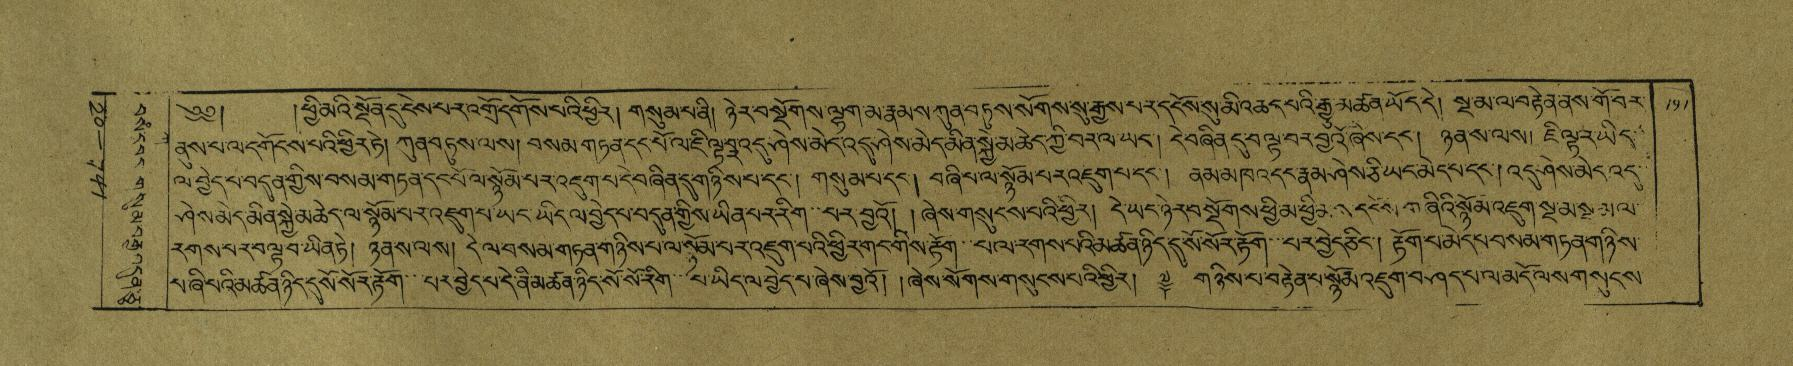༄༅། །ཕྱི་མའི་སྔོན་དུ་ངེས་པར་འགྲོ་དགོས་པའི་ཕྱིར། གསུམ་པ་ནི། ཉེར་བསྔོགས་ལྷག་མ་རྣམས་ཀུན་བཏུས་སོགས་སུ་རྒྱས་པར་དངོས་སུ་མི་འཆད་པའི་རྒྱུ་མཚན་ཡོད་དེ། སྔ་མ་ལ་བརྟེན་ནས་གོ་བར་
ནུས་པ་ལ་དགོངས་པའི་ཕྱིར་ཏེ། ཀུན་བཏུས་ལས། བསམ་གཏན་དང་པོ་ལ་ཇི་ལྟ་བར་འདུ་ཤེས་མེད་འདུ་ཤེས་མེད་མིན་སྐྱེ་མཆེད་ཀྱི་བར་ལ་ཡང་། དེ་བཞིན་དུ་བལྟ་བར་བྱའོ་ཞེས་དང་། ཉན་ས་ལས། ཇི་ལྟར་ཡིད་
ལ་བྱེད་པ་བདུན་གྱིས་བསམ་གཏན་དང་པོ་ལ་སྙོམ་པར་འཇུག་པ་དེ་བཞིན་དུ་གཉིས་པ་དང་། གསུམ་པ་དང་། བཞི་པ་ལ་སྙོམ་པར་འཇུག་པ་དང་། ནམ་མཁའ་དང་རྣམ་ཤེས་ཅི་ཡང་མེད་པ་དང་། འདུ་ཤེས་མེད་འདུ་
ཤེས་མེད་མིན་སྐྱེ་མཆེད་ལ་སྙོམ་པར་འཇུག་པ་ཡང་ཡིད་ལ་བྱེད་པ་བདུན་གྱིས་ཡིན་པར་རིག་པར་བྱའོ། །ཞེས་གསུངས་པའི་ཕྱིར། དེ་ཡང་ཉེར་བསྔོགས་ཕྱི་མ་ཕྱི་མས་དངོས་གཞིའི་སྙོམ་འཇུག་སྔ་མ་སྔ་མ་ལ་
རགས་པར་བལྟ་བ་ཡིན་ཏེ། ཉན་ས་ལས། དེ་ལ་བསམ་གཏན་གཉིས་པ་ལ་སྙོམ་པར་འཇུག་པའི་ཕྱིར་གང་གིས་རྟོག་པ་ལ་རགས་པའི་མཚན་ཉིད་དུ་སོ་སོར་རྟོག་པར་བྱེད་ཅིང་། རྟོག་པ་མེད་པ་བསམ་གཏན་གཉིས་
པ་ཞི་པའི་མཚན་ཉིད་དུ་སོ་སོར་རྟོག་པར་བྱེད་པ་དེ་ནི་མཚན་ཉིད་སོ་སོ་རིག་པ་ཡིད་ལ་བྱེད་པ་ཞེས་བྱའོ། །ཞེས་སོགས་གསུངས་པའི་ཕྱིར། ༈ གཉིས་པ་བརྟེན་པ་སྙོམ་འཇུག་བཤད་པ་ལ་མདོ་ལས་གསུངས་